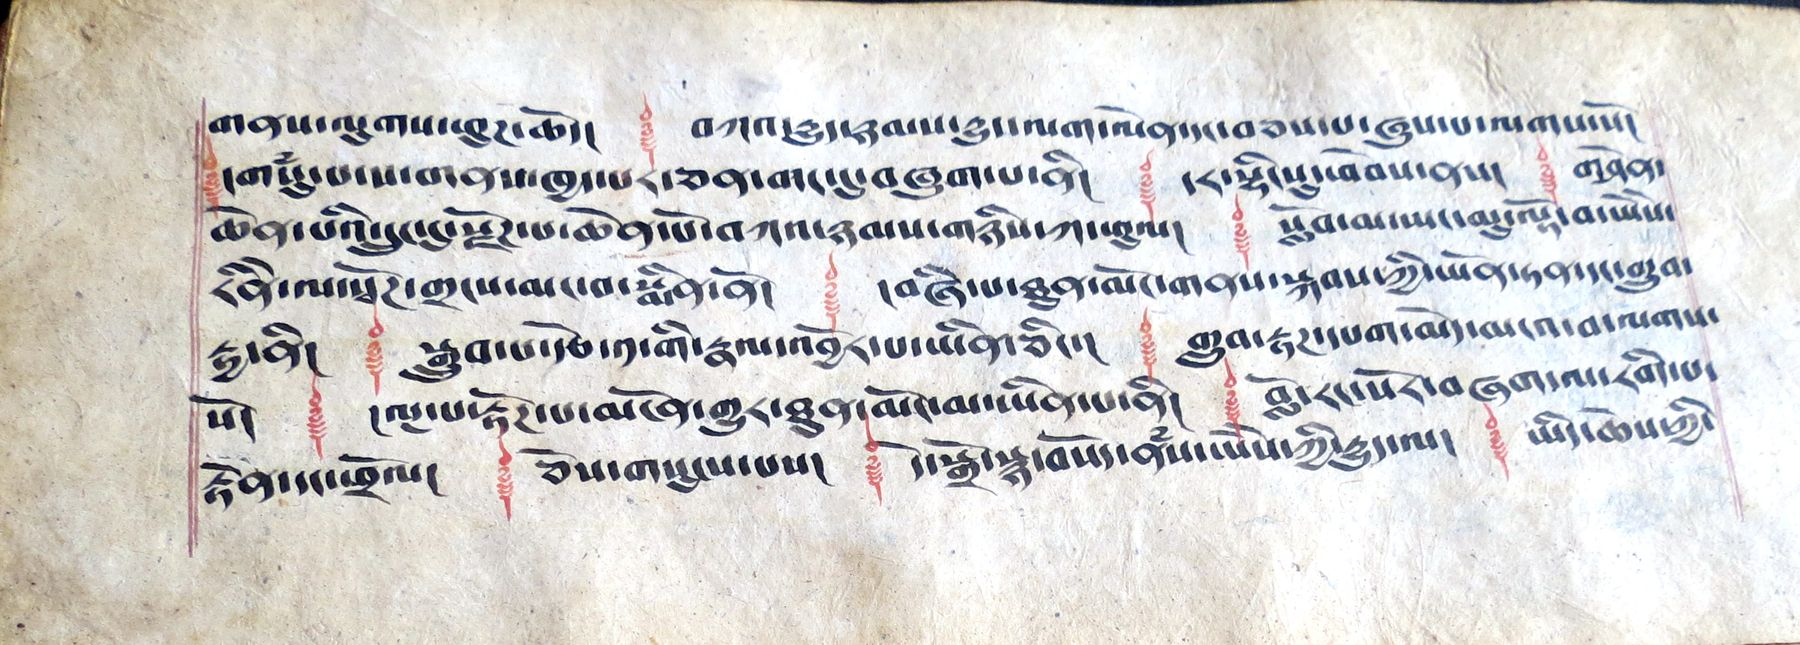གནས་ལུགས་ཕུགས་ཆོད། བཀའ་རྒྱུད་ཉམས་རྒྱུད་ལག་ལེན་དང་བཅས་པ་ཞུས་པ་ལགས་སོ། 
། གསུམ་པ་ས་གནས་ཁྱད་པར་ཅན་གང་དུ་བཞུགས་པ་ནི། དར་ལྡིང་དུ་ཕེབས་ནས་གཤེན་
ཆེན་པོའི་དྲུང་དུ་རྫོགས་པ་ཆེན་པོ་བཀའ་ཉམས་གཉིས་ཀ་ཕུལ། སློབ་མ་ཡང་མུ་ལྟོ་བ་ཡེ་ཤེས་
རིན་ཆེན་ལས་སོགས་གྲངས་མང་བར་སྨིན་ནོ། ། བཞི་པ་ཐུན་མོང་དང་གནས་སྐབས་ཀྱི་ཡོན་ཏན་གྲུབ་
རྟགས་ནི། སྒྲུབ་པ་ཚེ་གཅིག་གི་རྣལ་འབྱོར་པ་ཡིན་ཞིང་། གྲུབ་རྟགས་དཔག་མེད་མངའ་བ་ལགས་
སོ། ། ལྔ་པ་རྟོགས་པ་མངོན་གྱུར་ཐུན་མོང་མ་ཡིན་པ་ནི། བློ་རང་སོར་བཞག་ལ་རིག་པ་
རྟེན་དང་ཕྲོལ། ། ཞེས་གསུངས་པས། དེ་སྒྲོ་སྙ་བསོད་ནམས་ཡེ་ཤེས་ཀྱི་རྒྱུད་ལ། ཡིད་ཆེས་ཀྱི་